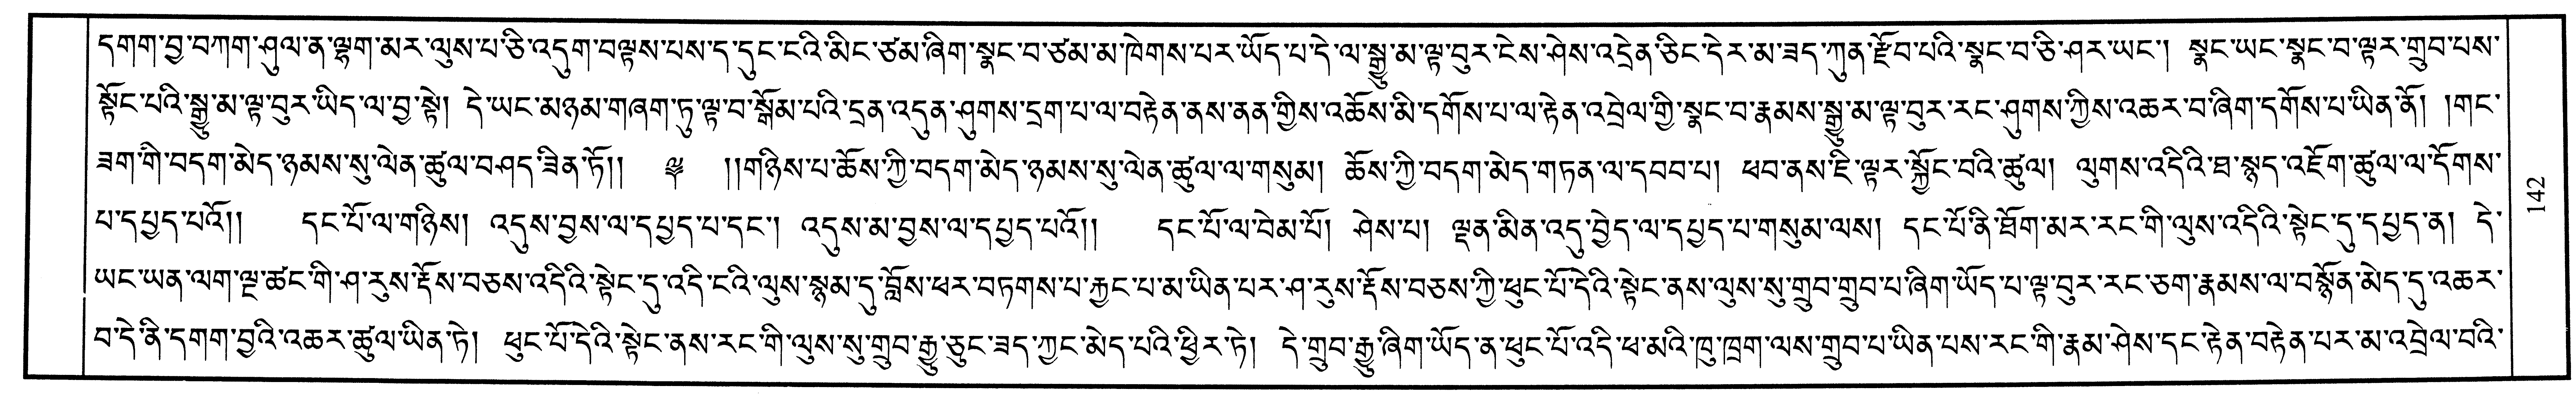དགག་བྱ་བཀག་ཤུལ་ན་ལྷག་མར་ལུས་པ་ཅི་འདུག་བལྟས་པས་ད་དུང་ངའི་མིང་ཙམ་ཞིག་སྣང་བ་ཙམ་མ་ཁེགས་པར་ཡོད་པ་དེ་ལ་སྒྱུ་མ་ལྟ་བུར་ངེས་ཤེས་འདྲེན་ཅིང་དེར་མ་ཟད་ཀུན་རྫོབ་པའི་སྣང་བ་ཅི་ཤར་ཡང་། སྣང་ཡང་སྣང་བ་ལྟར་གྲུབ་པས་
སྟོང་པའི་སྒྱུ་མ་ལྟ་བུར་ཡིད་ལ་བྱ་སྟེ། དེ་ཡང་མཉམ་གཞག་ཏུ་ལྟ་བ་སྒོམ་པའི་དྲན་འདུན་ཤུགས་དྲག་པ་ལ་བརྟེན་ནས་ནན་གྱིས་འཆོས་མི་དགོས་པ་ལ་རྟེན་འབྲེལ་གྱི་སྣང་བ་རྣམས་སྒྱུ་མ་ལྟ་བུར་རང་ཤུགས་ཀྱིས་འཆར་བ་ཞིག་དགོས་པ་ཡིན་ནོ། །གང་
ཟག་གི་བདག་མེད་ཉམས་སུ་ལེན་ཚུལ་བཤད་ཟིན་ཏོ།། ༈ །།གཉིས་པ་ཆོས་ཀྱི་བདག་མེད་ཉམས་སུ་ལེན་ཚུལ་ལ་གསུམ། ཆོས་ཀྱི་བདག་མེད་གཏན་ལ་དབབ་པ། ཕབ་ནས་ཇི་ལྟར་སྐྱོང་བའི་ཚུལ། ལུགས་འདིའི་ཐ་སྙད་འཇོག་ཚུལ་ལ་དོགས་
པ་དཔྱད་པའོ།། དང་པོ་ལ་གཉིས། འདུས་བྱས་ལ་དཔྱད་པ་དང་། འདུས་མ་བྱས་ལ་དཔྱད་པའོ།། དང་པོ་ལ་བེམ་པོ། ཤེས་པ། ལྡན་མིན་འདུ་བྱེད་ལ་དཔྱད་པ་གསུམ་ལས། དང་པོ་ནི་ཐོག་མར་རང་གི་ལུས་འདིའི་སྟེང་དུ་དཔྱད་ན། དེ་
ཡང་ཡན་ལག་ལྔ་ཚང་གི་ཤ་རུས་རྡོས་བཅས་འདིའི་སྟེང་དུ་འདི་ངའི་ལུས་སྙམ་དུ་བློས་ཕར་བཏགས་པ་རྐྱང་པ་མ་ཡིན་པར་ཤ་རུས་རྡོས་བཅས་ཀྱི་ཕུང་པོ་དེའི་སྟེང་ནས་ལུས་སུ་གྲུབ་གྲུབ་པ་ཞིག་ཡོད་པ་ལྟ་བུར་རང་ཅག་རྣམས་ལ་བསྙོན་མེད་དུ་འཆར་
བ་དེ་ནི་དགག་བྱའི་འཆར་ཚུལ་ཡིན་ཏེ། ཕུང་པོ་དེའི་སྟེང་ནས་རང་གི་ལུས་སུ་གྲུབ་རྒྱུ་ཅུང་ཟད་ཀྱང་མེད་པའི་ཕྱིར་ཏེ། དེ་གྲུབ་རྒྱུ་ཞིག་ཡོད་ན་ཕུང་པོ་འདི་ཕ་མའི་ཁུ་ཁྲག་ལས་གྲུབ་པ་ཡིན་པས་རང་གི་རྣམ་ཤེས་དང་རྟེན་བརྟེན་པར་མ་འབྲེལ་བའི་